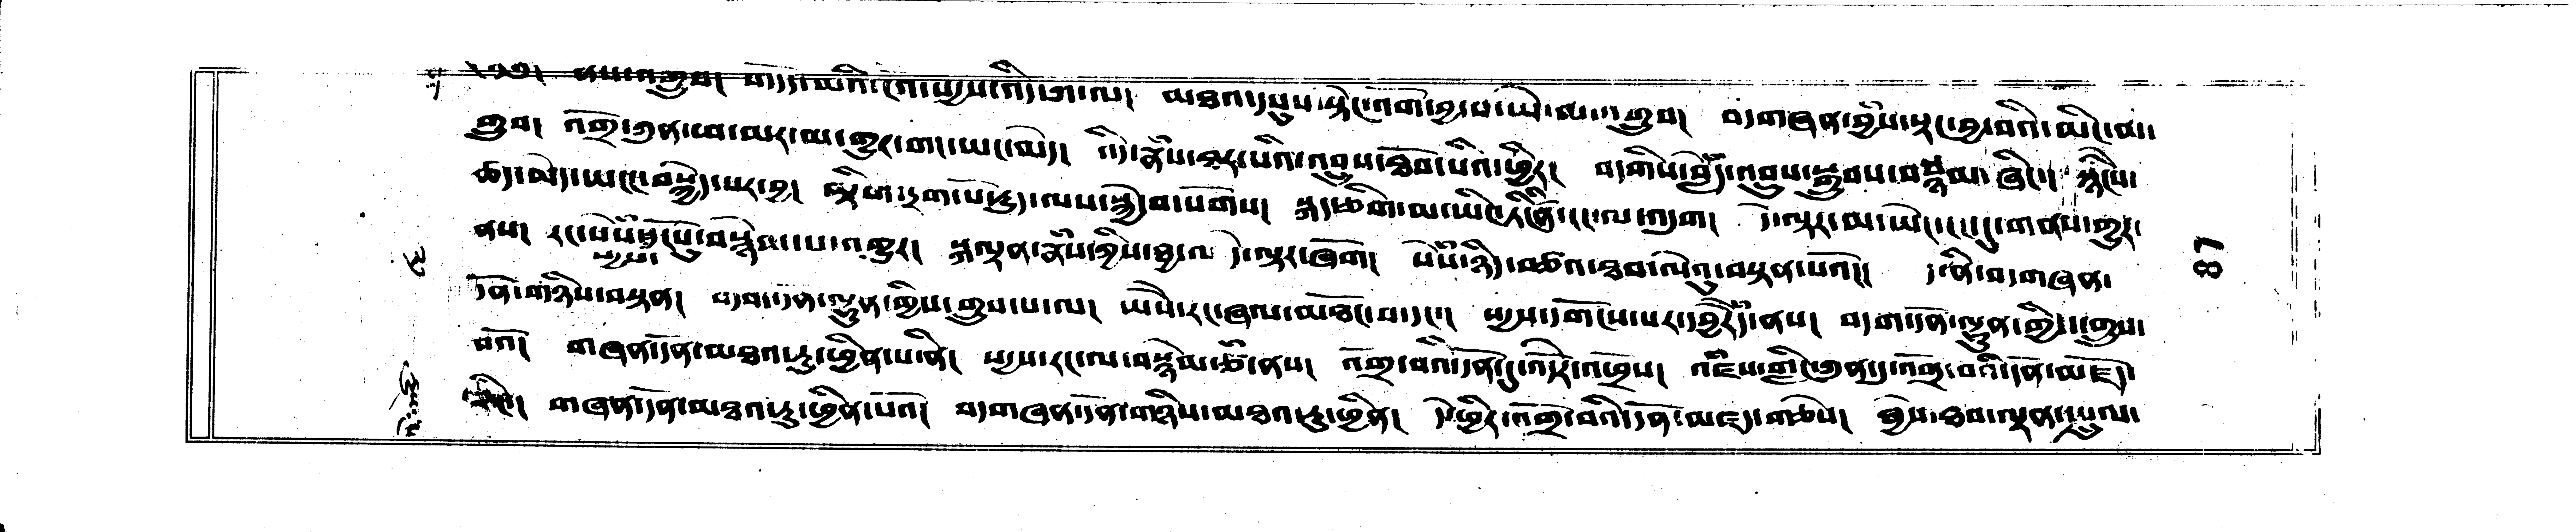ནས་འགྲུབ། གདོད་མའི་ངོ་བོ་སངས་རྒྱས་འདི་ཀ་ལ། མཐའ་དབུས་སྟེང་འོག་བྱ་བ་ཡེ་མ་གྲུབ། བདག་གཞན་བྱམས་སྡང་བྱ་བའི་མིང་མ་
གྲུབ། འགྲོ་ཀུན་ཕ་མར་མ་གྱུར་གང་ཡང་མེད། འདི་རྣམས་ཐར་པའི་འབྲས་བུ་ཐོབ་པའི་ཕྱིར། བདག་གིས་བླ་མེད་འབྲས་བུ་བསྒྲུབ་སྙམ་ཞིང་། སྙིང་རྗེ་
ཚད་མེད་ཡང་ཡང་བསྐྱེད་པར་བྱ། མི་རྟག་དྲག་པོ་རྒྱུད་ལ་སྐྱེ་བ་སོགས། སྐད་ཅིག་མ་ཡེངས་ཏིང་འཛིན་ངང་ལ་འདུག དེ་ལྟར་མ་ཡེངས་ངང་དུ་གནས་གྱུར་
ནས། རང་སེམས་སངས་རྒྱས་དངོས་སུ་བསྙེམས་པ་འགྱུར། སྐལ་ལྡན་རྣམས་ཀྱི་ཐུགས་ལ་དེ་ལྟར་ཞོག །སེམས་ཉིད་བཙན་ཐབས་ལེའུ་བསྟན་པའོ། །ད་ནི་བདག་གཞན་
དོན་གཉིས་བསྟན། བདག་དོན་ལྷུན་གྱིས་གྲུབ་པ་ལ། ཡེ་ཤེས་རང་ཞལ་མཐོང་བ་དང་། སངས་རྒྱས་དགོངས་པར་དབྱེར་མེད་ནས། བདག་དོན་ལྷུན་གྱིས་གྲུབ་
པའོ། །གཞན་དོན་མཐའ་རུ་ཕྱིན་པ་ནི། སངས་རྒྱས་རང་ལ་བསྙེམས་ཙམ་ན། འགྲོ་བའི་དོན་དུ་འོད་ཟེར་འཕྲོས། འཛམ་གླིང་ཀུན་ཏུ་འགྲོ་དོན་མཛད།
 གཞན་དོན་མཐའ་རུ་ཕྱིན་པའོ། །བདག་གཞན་དོན་གཉིས་མཐའ་རུ་ཕྱིན། དེ་ཕྱིར་འགྲོ་བའི་དོན་གཅེས། ཐུགས་རྗེ་ཐབས་ལྡན་སྤྲུལ་